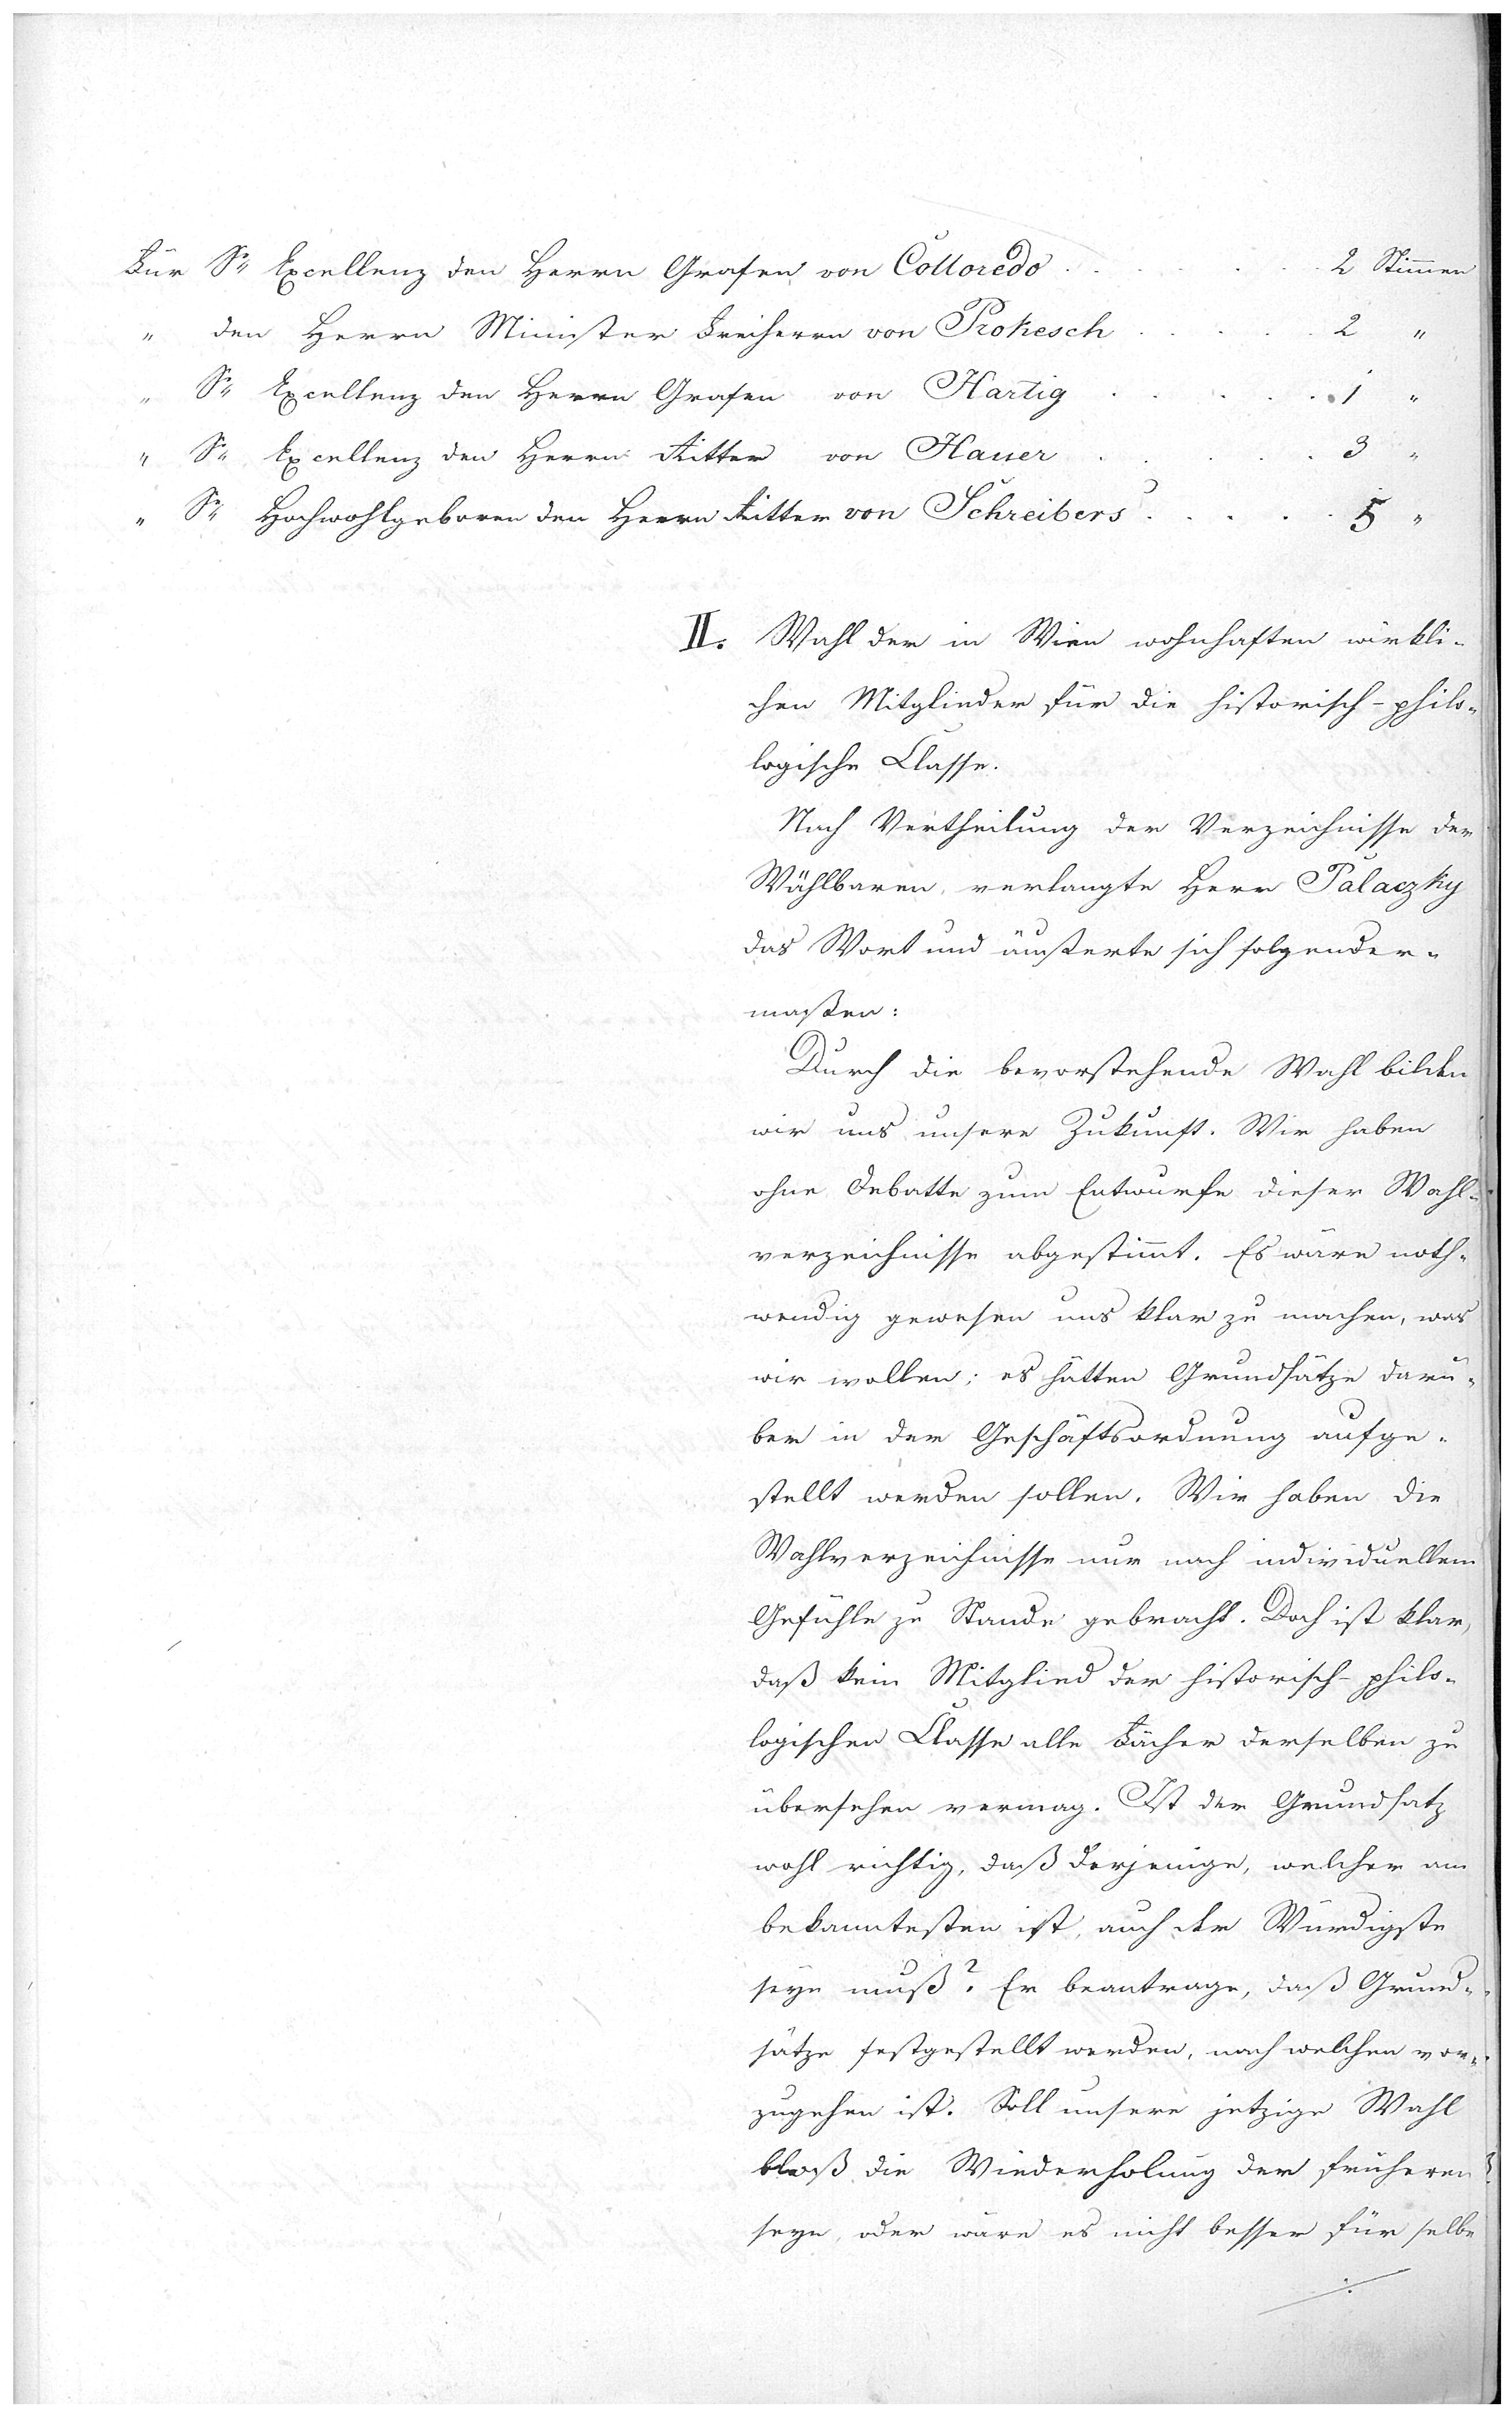Für Sr. Excellenz den Herrn Grafen von Colloredo . . . . . . . 2 Stimmen
" den Herrn Minister Freiherr von Prokesch . . . . . 2 "
" Sr. Excellenz den Herrn Grafen von Hartig . . . . . 1 "
" Sr. Excellenz den Herrn Ritter von Hauer . . . . . 3 "
" Sr. Hochwohlgeboren den Herrn Ritter von Schreibers . . . . . 5 "
II. Wahl der in Wien wohnhaften wirkli-
chen Mitglieder für die historisch-philo-
logische Classe
Nach Vertheilung der Verzeichnisse der
Wählbaren, verlangte Herr Palaczky
das Wort und äußerte sich folgender-
maßen:
Durch die bevorstehende Wahl bilden
wir uns unsere Zukunft. Wir haben
ohne Debatte zum Entwurfe dieser Wahl-
verzeichnisse abgestimmt. Es wäre noth-
wendig gewesen uns klar zu machen, was
wir wollen; es hätten Grundsätze darü-
ber in der Geschäftsordnung aufge-
stellt werden sollen. Wir haben die
Wahlverzeichnisse nur nach individuellem
Gefühle zu Stande gebracht. Doch ist klar,
daß kein Mitglied der historisch-philo-
logischen Classe alle Fächter derselben zu
übersehen vermag. Ist der Grundsatz
wohl richtig, daß derjenige, welcher am
bekanntesten ist, auch der Würdigste
seyn muß? Er beantrage, daß Grund-
sätze festgestellt werden, nach welchen vor-
zugehen ist. Soll unsere jetzige Wahl
bloß die Wiederholung der früheren
seyn, oder wäre es nicht besser für selbe